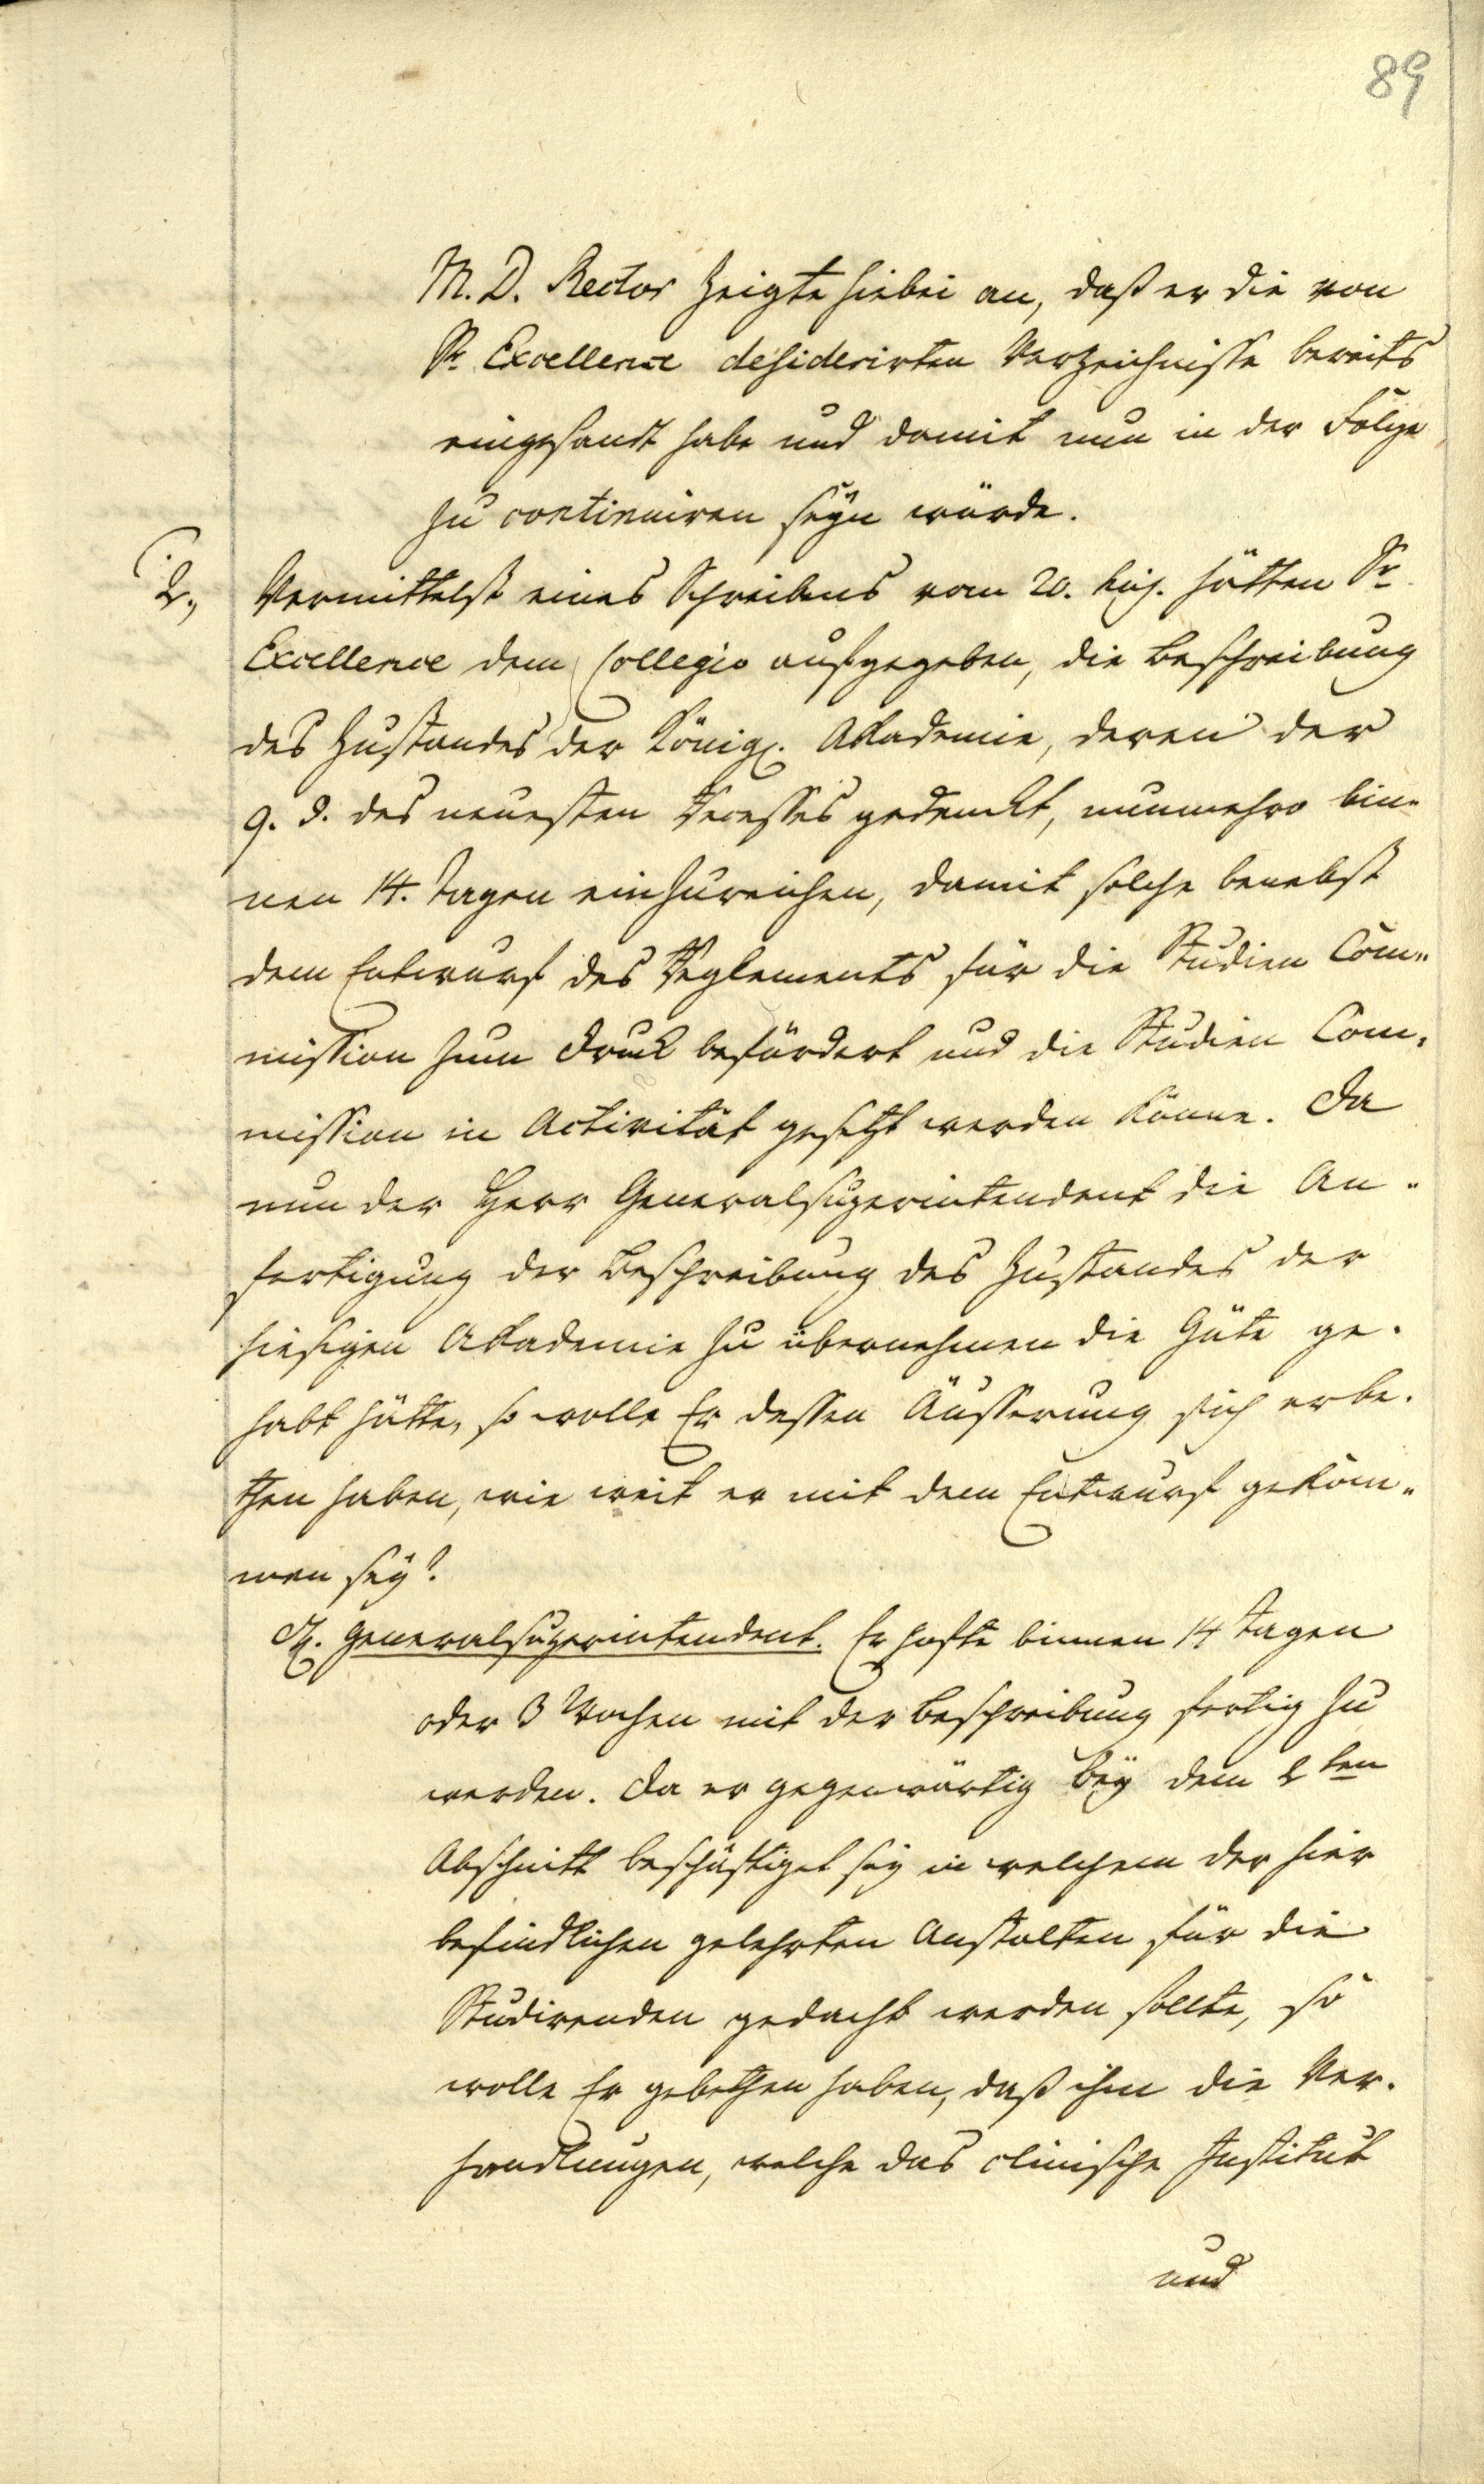M. D. Rector zeigte hiebei an, daß er die von
Sr. Excellence desiderirten Verzeichnisse bereits
eingesandt habe und damit nun in der Folge
zu continuiren seÿn würde.
2., Vermittelst eines Schreibens vom 20. huj. hätten Sr
Excellence dem Collegio aufgegeben, die Beschreibung
des Zustandes der Königl. Akademie, deren der
9. §. des neuesten Recesses gedenckt, nunmehro bin¬
nen 14. Tagen einzureichen, damit solche benebst
dem Entwurf des Reglements für die Studien Com¬
mission zum Druck befördert und die Studien Com¬
mission in Activität gesetzt werden könne. Da
nun der Herr Generalsuperintendent die An¬
fertigung der Beschreibung des Zustandes der
hiesigen Akademie zu übernehmen die Güte ge¬
habt hätte, so wolle Er dessen Äusserung sich erbe¬
then haben, wie weit er mit dem Entwurf gekom¬
nen seÿ?
dh. Generalsuperintendent. Er hofte binnen 14 Tagen
oder 3 Wochen mit der Beschreibung fertig zu
werden. Da er gegenwärtig beÿ dem 2 ten
Abschitt beschäftiget seÿ in welchem der hier
befindlichen gelehrten Anstalten für die
Studirenden gedacht werden sollte, so
wolle Er gebethen haben, daß ihm die Ver¬
handlungen, welche das clinische Institut
und